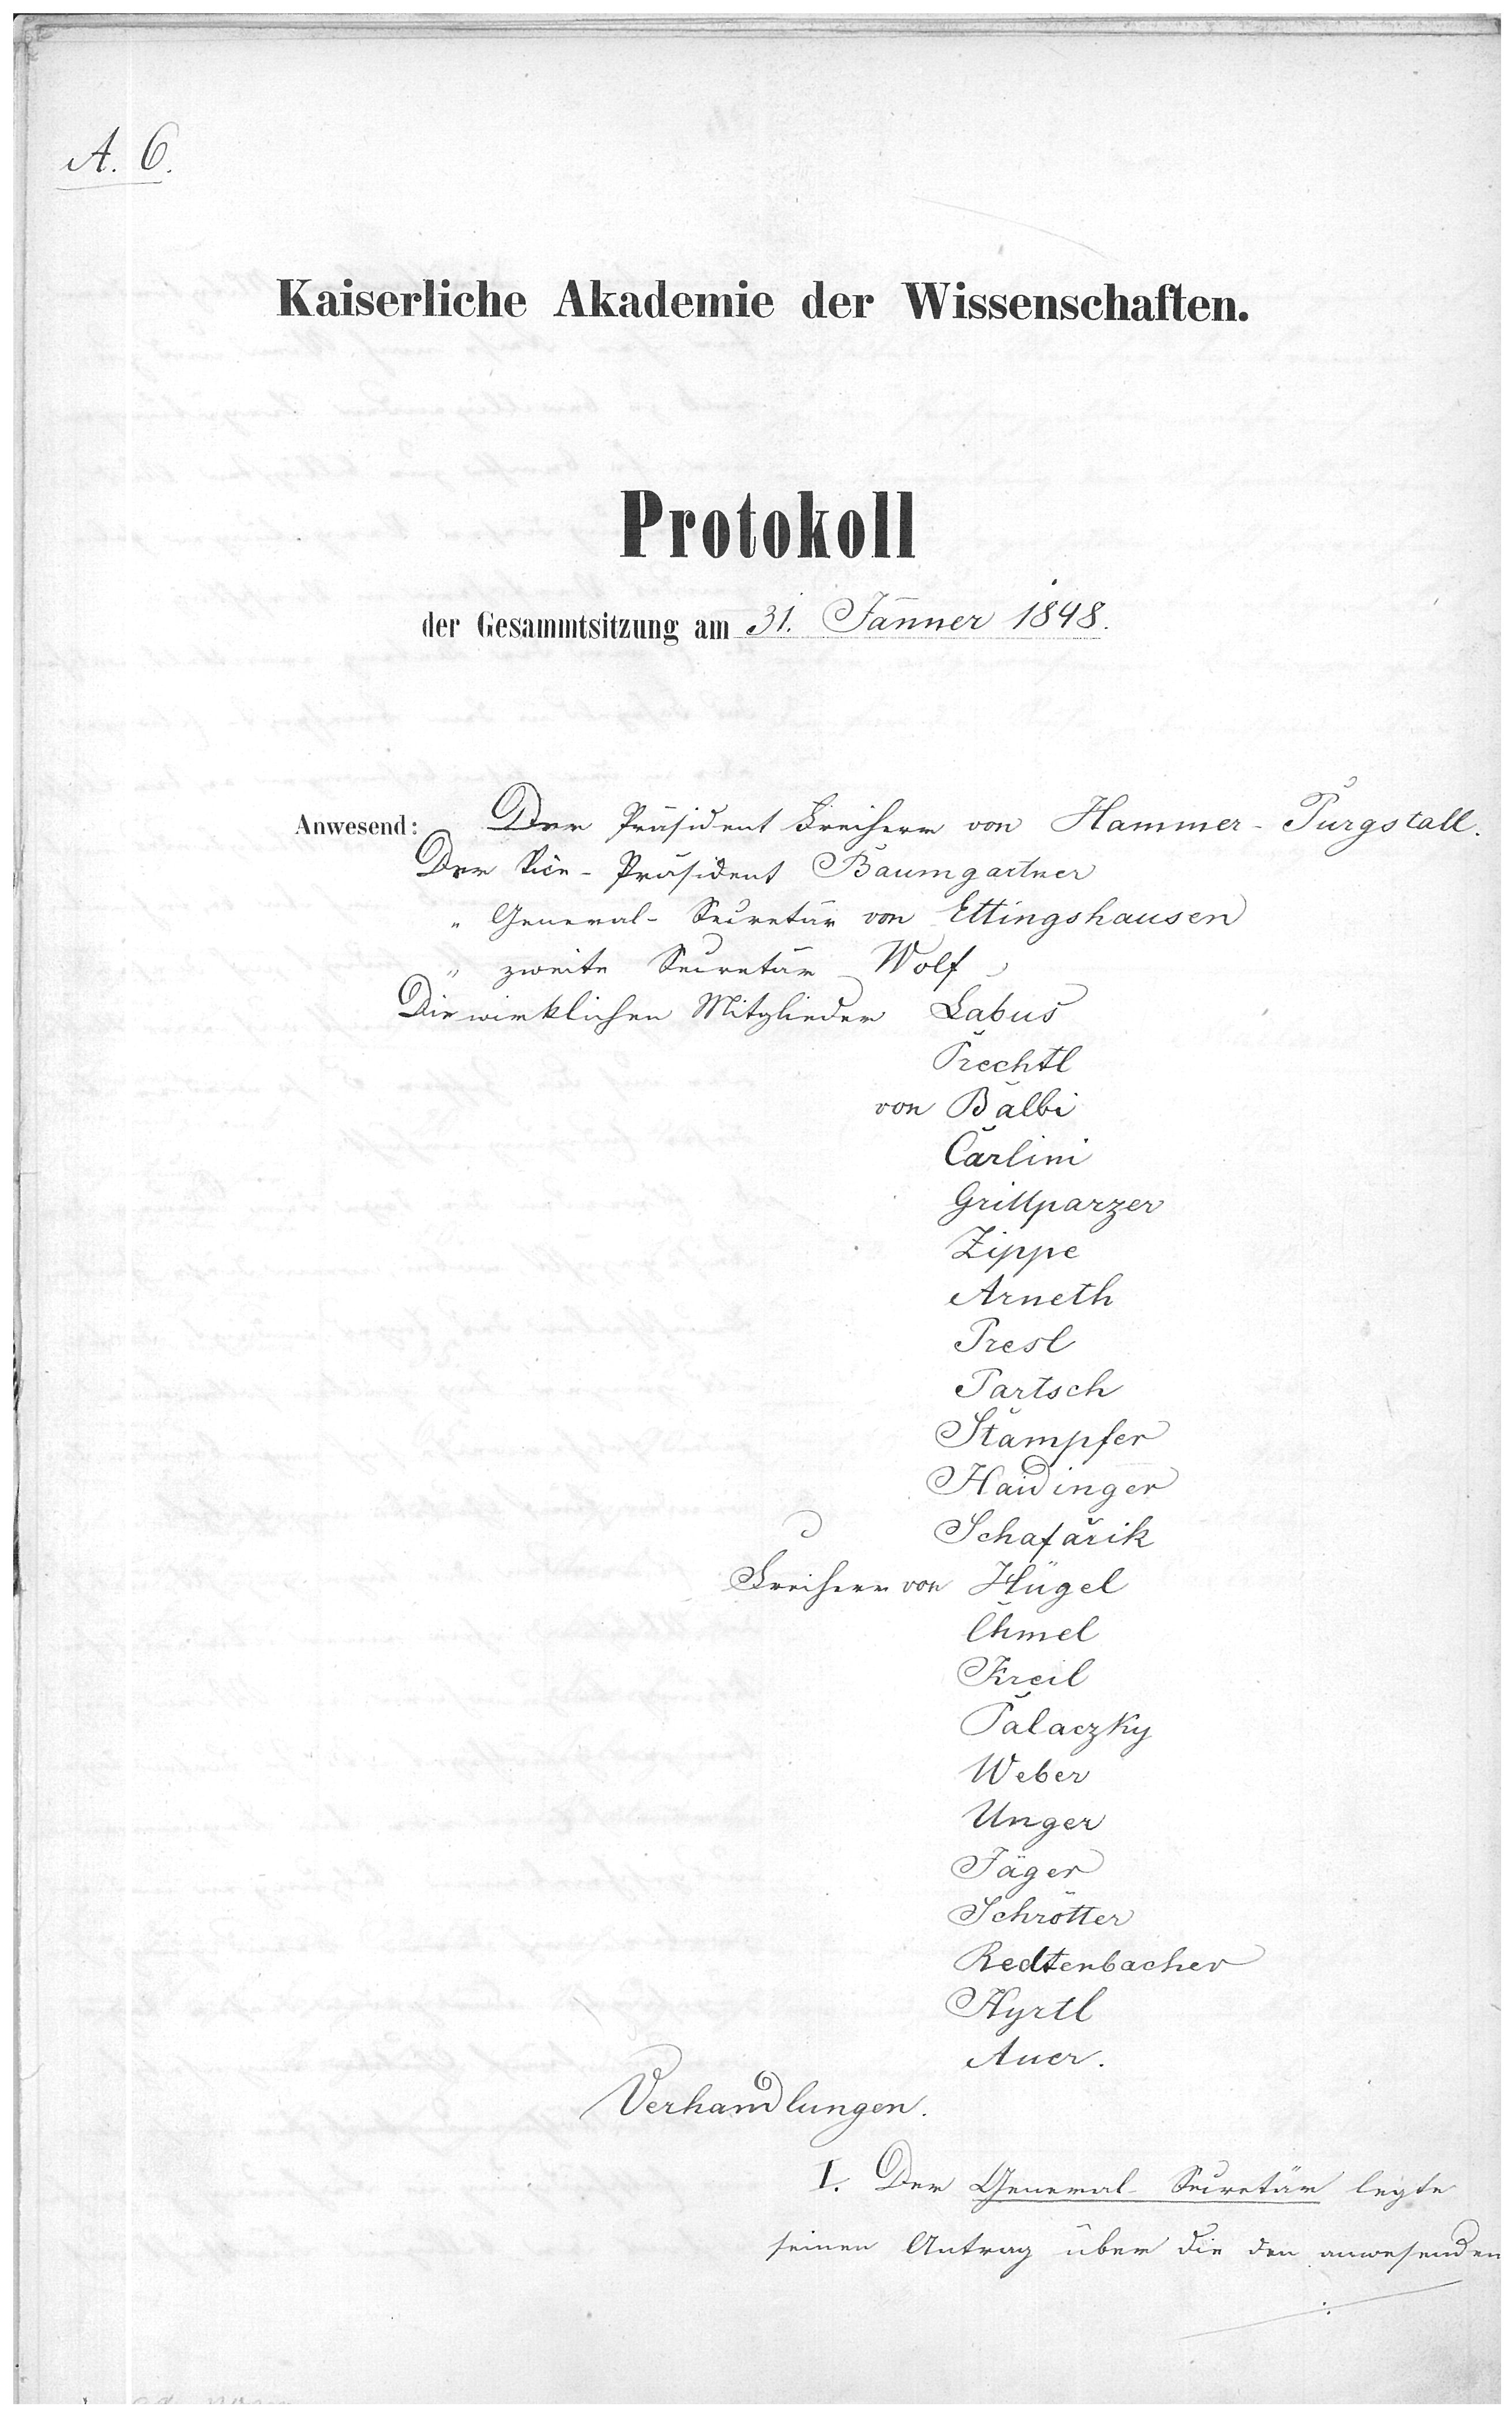A. 6.
Kaiserliche Akademie der Wissenschaften.
Protokoll
der Gesammtsitzung am 31. Jänner 1848
Anwesend: Der Präsident Freiherr von Hammer-Purgstall
Der Vice-Präsident Baumgartner
" General-Secretär von Ettingshausen
" zweite Secretär Wolf
Die wirklichen Mitglieder Labus
Prechtl
von Balbi
Carlini
Grillparzer
Zippe
Arneth
Presl
Partsch
Stampfer
Haidinger
Schafarik
Freiherr von Hügel
Chmel
Kreil
Palaczky
Weber
Unger
Jäger
Schrötter
Redtenbacher
Hyrtl
Auer
Verhandlungen.
I. Der General-Secretär legte
seinen Antrag über die den anwesenden